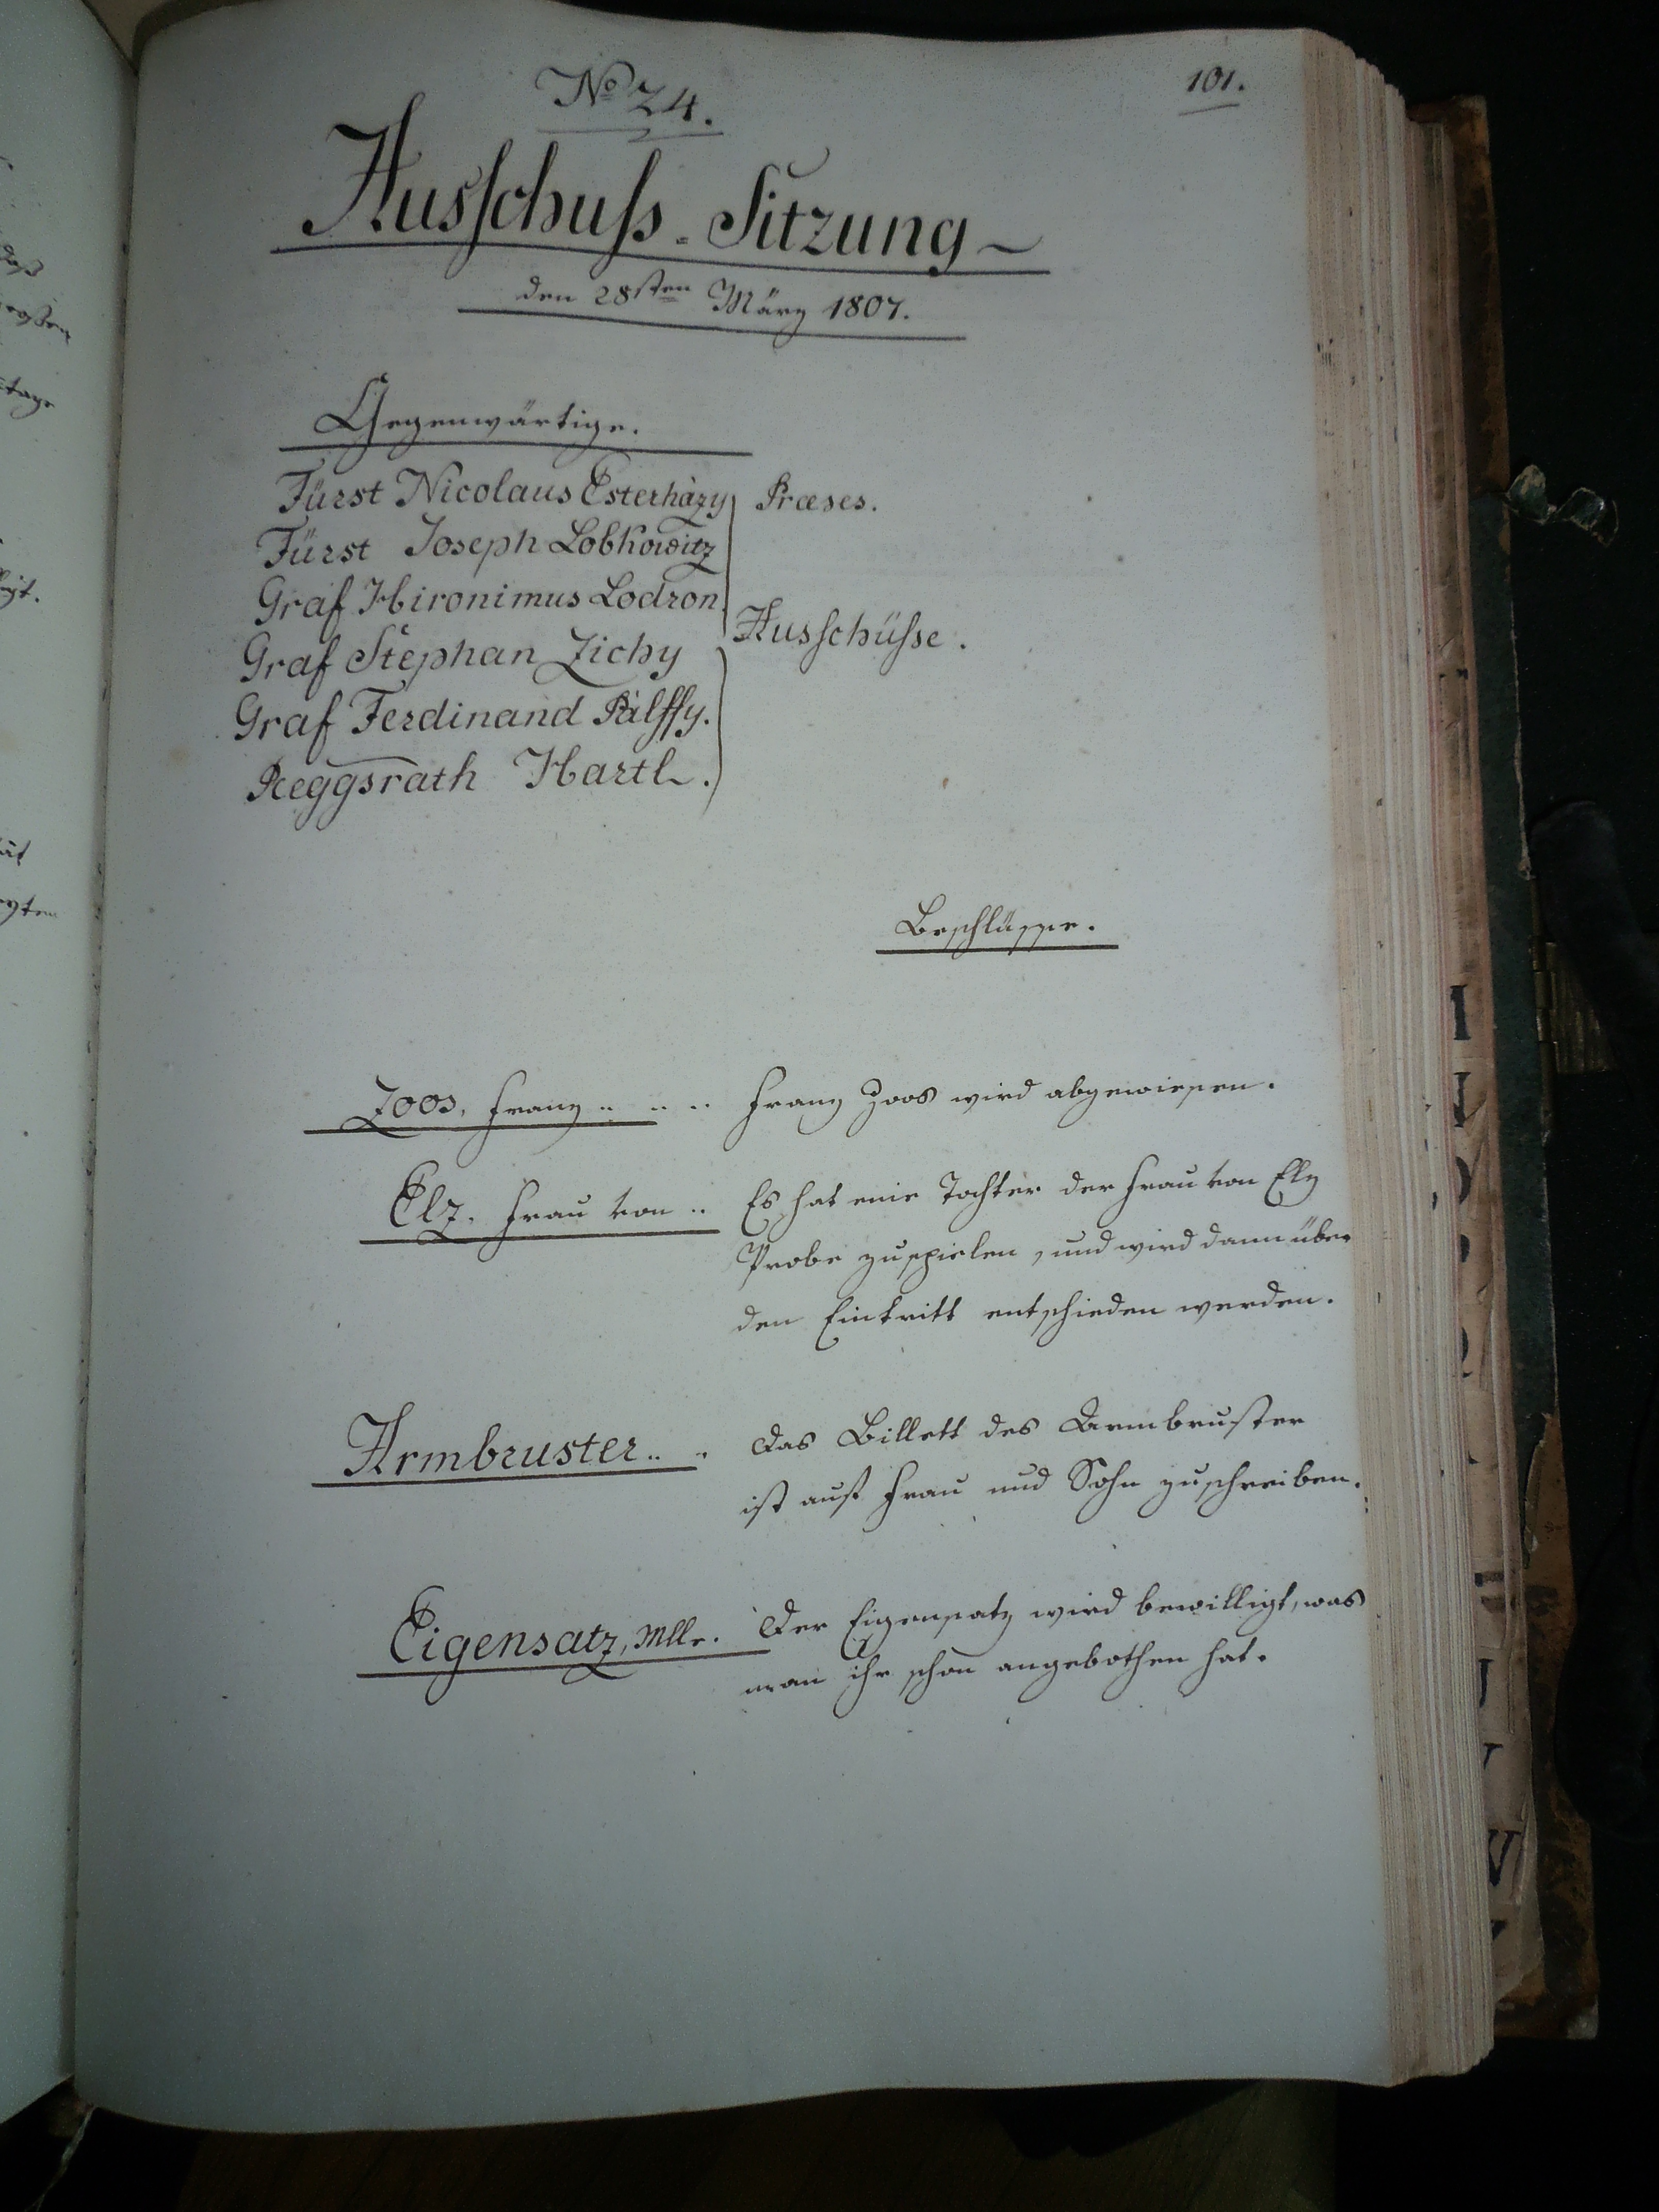101.
No͇ 24.
Ausschuss‗Sitzung
den 28ste͇n März 1807.
Gegenwärtige.
Fürst Nicolaus Esterhàzy Præses.
Fürst Joseph Lobkowitz
Graf Hironimus Lodron
Graf Stephan Zichy
Graf Ferdinand Pàlffy.
Reg͞gsrath Hartl.
Ausschüsse.
Beschlüsse.
Zoos, Franz .. .. .. Franz Zoos wird abgewiesen.
Elz, Frau von .. Es hat eine Tochter der Frau von ELz
Probe zuspielen, und wird dann über
den Eintritt entschieden werden.
Armbruster .. .. Das Billett des Armbruster
ist auf Frau und Sohn zuschreiben.
Eigensatz, Mlle. Der Eigensatz wird bewilligt, was
man ihr schon angebothen hat.